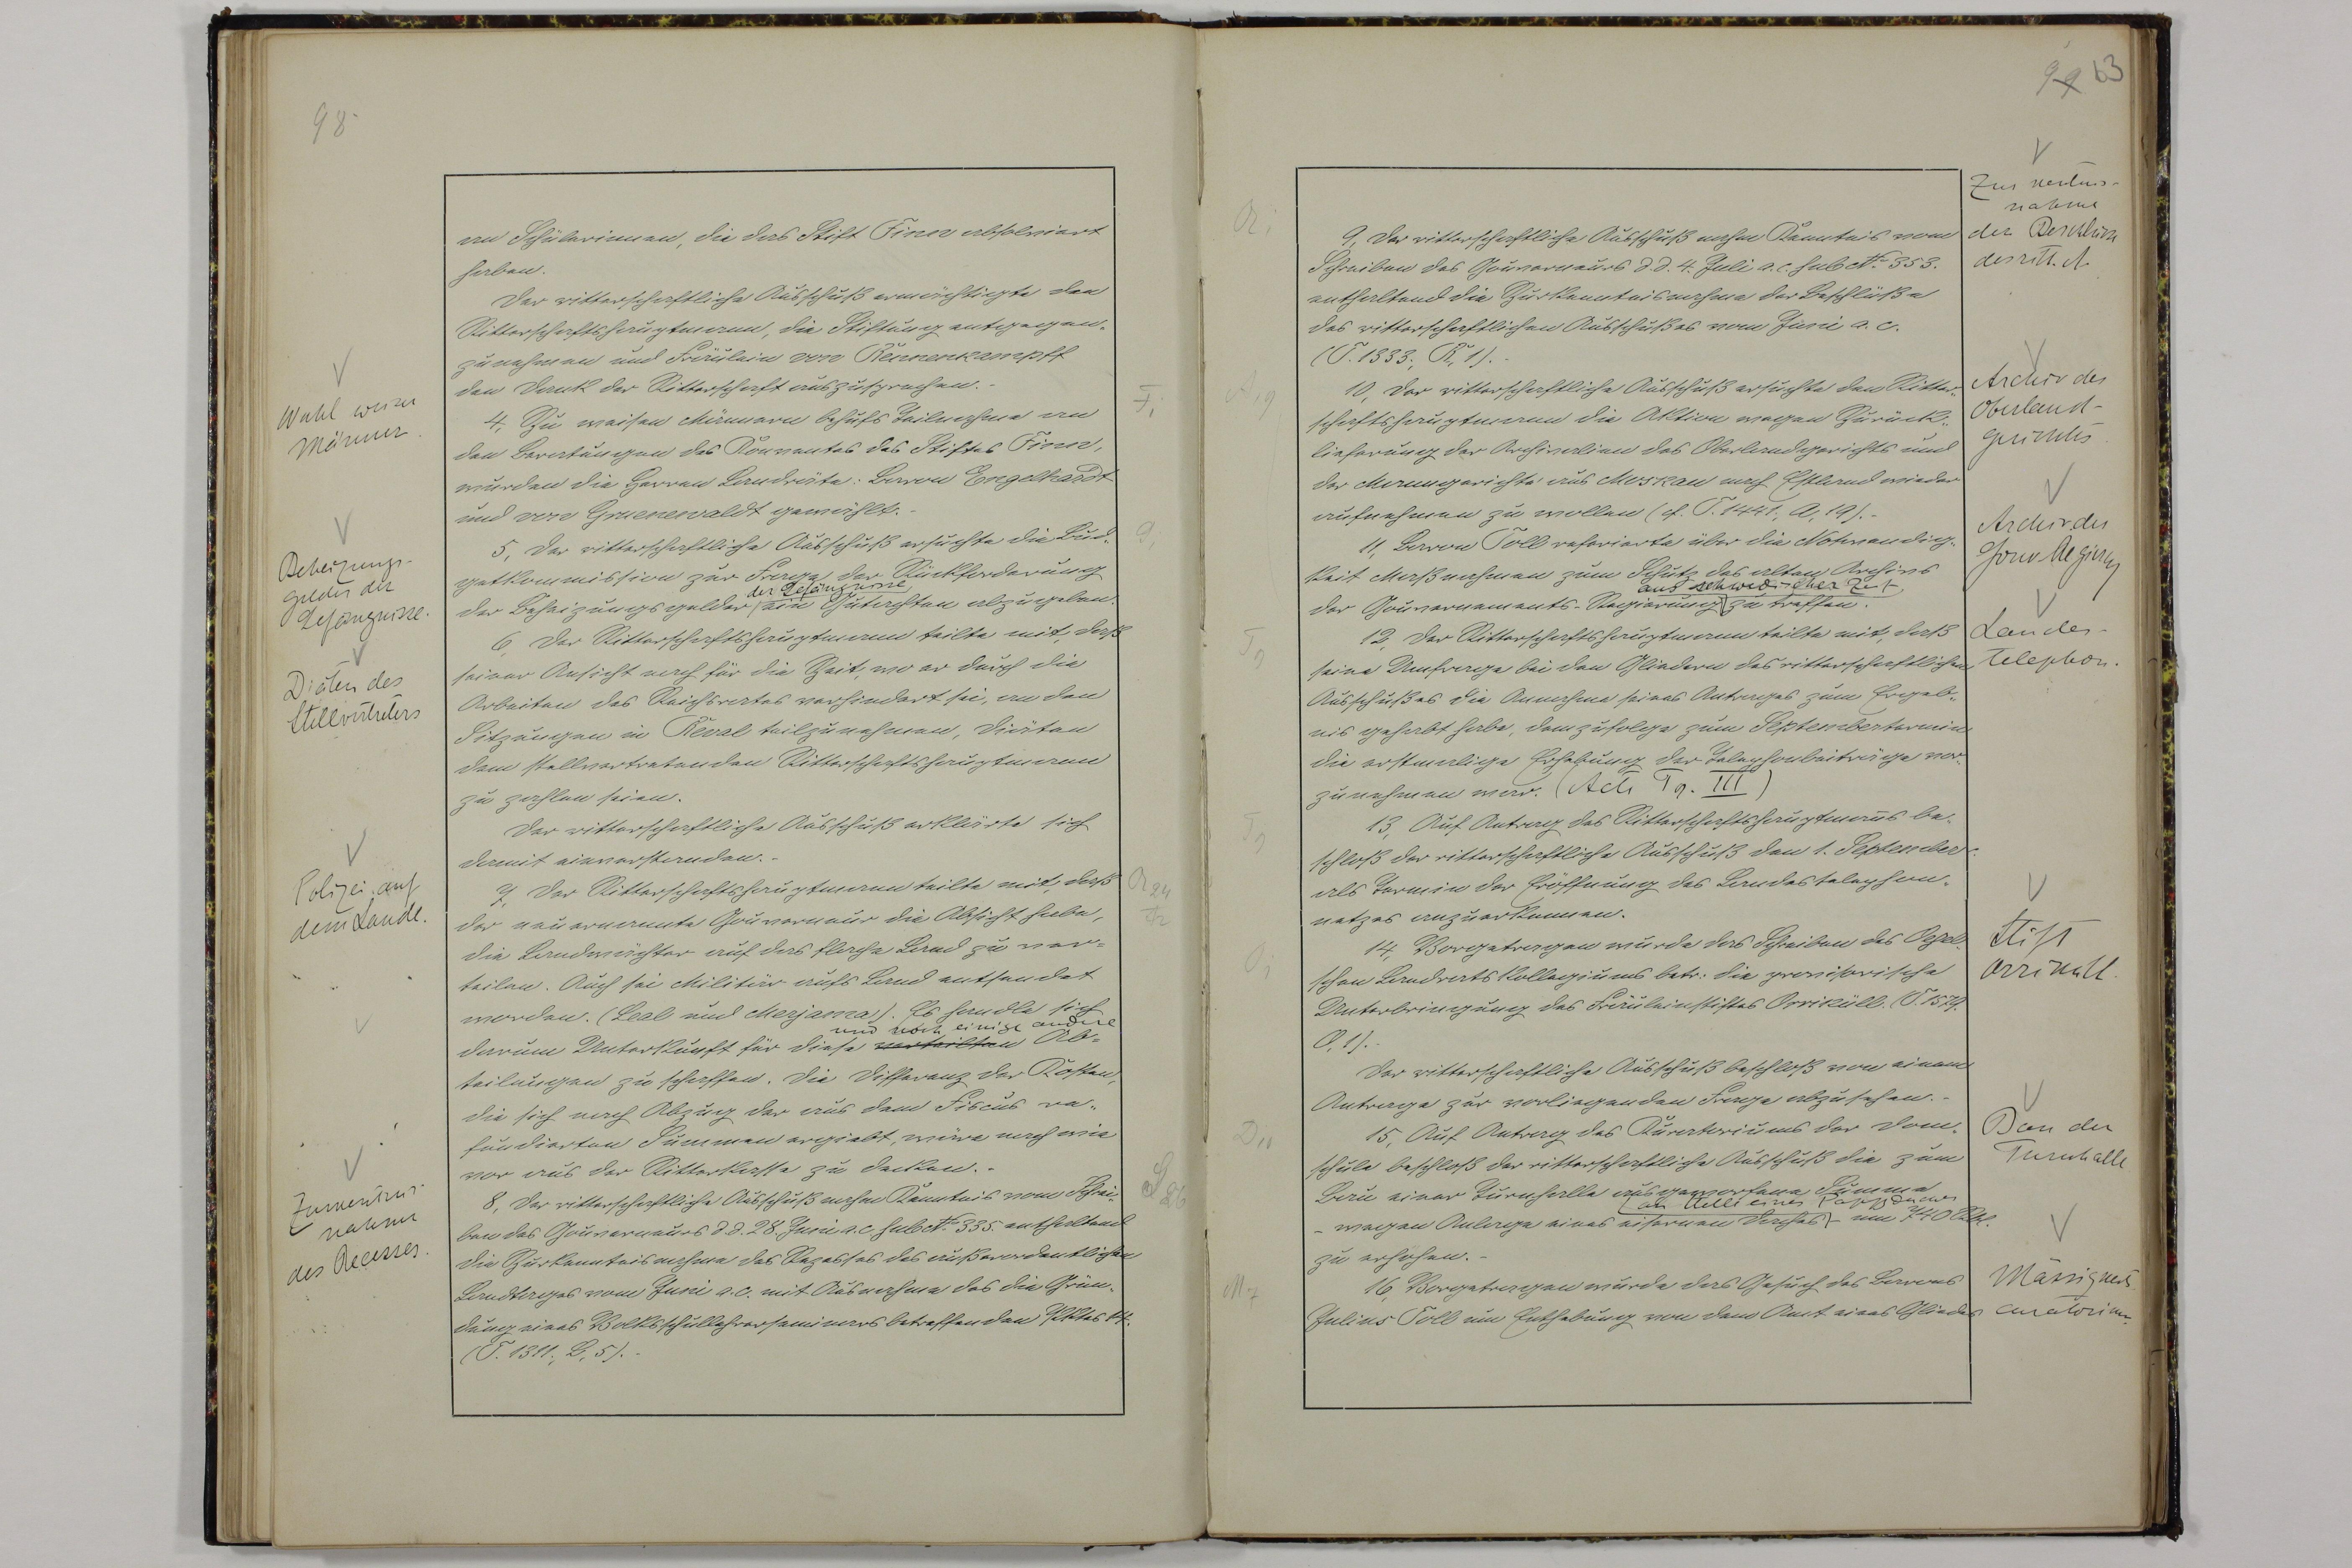Wahl weiser
Männer
Beheizungs
gelder der
Gefängnisse
Diäten des
Stellvertreters
Polizei auf
dem Lande.
Zurkentnis
nahme
des Recesses
an Schülerinnen, die das Stift Finn absolviert
haben.
Der ritterschaftliche Ausschuß ermächtigte den
Ritterschaftshauptmann, die Stiftung entgegen-
zunehmen und Fräulein von Rennenkampff
den Dank der Ritterschaft auszusprechen.
4. Zu weisen Männern behufs Teilnahme an
den Beratungen des Konventes des Stiftes Finn,
wurden die Herren Landräte: Baron Engelhardt
und von Gruenewaldt gewählt.
5. Der ritterschaftliche Ausschuß ersuchte die Bud-
getkommission zur Frage der Rückforderung
der Gefängnisse
der Beheizungsgelder ein Gutachten abzugeben.
6. Der Ritterschaftshauptmann teilte mit, daß
seiner Ansicht nach für die Zeit, wo er durch die
Arbeiten des Reichsrates verhindert sei, an den
Sitzungen in Reval teilzunehmen, Diäten
dem stellvertretenden Ritterschaftshauptmann
zu zahlen seien.
Der ritterschaftliche Ausschuß erklärte sich
damit einverstanden.
7. Der Ritterschaftshauptmann teilte mit, daß
der neuernannte Gouverneur die Absicht habe,
die Landwächter auf das flache Land zu ver-
teilen. Auch sei Militär aufs Land entsendet
worden. (Leal und Merjama). Es handle sich
und noch einige andere
darum, Unterkunft für diese verteilten Ab-
teilungen zu schaffen. Die Differenz der Kosten,
die sich nach Abzug der aus dem Fiscus re-
fundierten Summen ergiebt, wäre nach wie
vor aus der Ritterkasse zu decken.
8. Der ritterschaftliche Ausschuß nahm Kenntnis vom Schrei-
ben des Gouverneurs d.d. 28. Juni a.c. sub No. 335, enthaltend
die Zurkenntnisnahme des Rezesses des außerordentlichen
Landtages vom Juni a.c. mit Ausnahme des die Grün-
dung eines Volksschullehrerseminars betreffenden Pktes 14.
(T.1311; L.5).
9. Der ritterschaftliche Ausschuß nahm Kenntnis vom
Schreiben des Gouverneurs d.d. 4. Juli a.c. sub No. 353,
enthaltend die Zurkenntnisnahme der Beschlüße
des ritterschaftlichen Ausschußes vom Juni a.c.
(T.1333; R.1).
10. Der ritterschaftliche Ausschuß ersuchte den Ritter-
schaftshauptmann die Aktion wegen Zurück-
lieferung der Archivalien des Oberlandgerichts und
der Manngerichte aus Moskau nach Estland wieder
aufnehmen zu wollen (cf. T.1441; A.19).
11. Baron Toll referierte über die Notwendig-
keit, Maßnahmen zum Schutz des alten Archivs
aus schwedischer Zeit
der Gouvernements-Regierung zu treffen.
12. Der Ritterschaftshauptmann teilte mit, daß
seine Umfrage bei den Gliedern des Ritterschaftlichen
Ausschußes die Annahme seines Antrages zum Ergeb-
nis gehabt habe, demzufolge zum Septembertermin
die erstmalige Erhebung der Telephonbeiträge vor-
zunehmen war. (Acte T9. III)
13. Auf Antrag des Ritterschaftshauptmanns be-
schloß der ritterschaftliche Ausschuß den 1. September
als Termin der Eröffnung des Landestelephon-
netzes anzuerkennen.
14. Vorgetragen wurde das Schreiben des Oesel-
schen Landratskollegiums betr. die provisorische
Unterbringung des Fräuleinstiftes Orriküll. (T.1579.
O.1).
Der ritterschaftliche Ausschuß beschloß von einem
Antrage zur vorliegenden Frage abzusehen.
15. Auf Antrag des Kuratoriums der Dom-
schule beschloß der ritterschaftliche Ausschuß die zum
Bau einer Turnhalle ausgeworfene Summe
an Stelle eines Pappdaches
– wegen Anlage eines eisernen Daches – um 740 Rbl.
zu erhöhen.
16. Vorgetragen wurde das Gesuch des Barons
Julius Toll um Enthebung von dem Amt eines Gliedes
Zurkentnis
nahme
der Beschlüsse
des ritt. A.
Archiv des
Oberland
gerichtes
Archiv der
Gouv. Regierung
Landes
telephon
Stift
Orriküll
Bau der
Turnhalle
Mässigkeits
curatorium